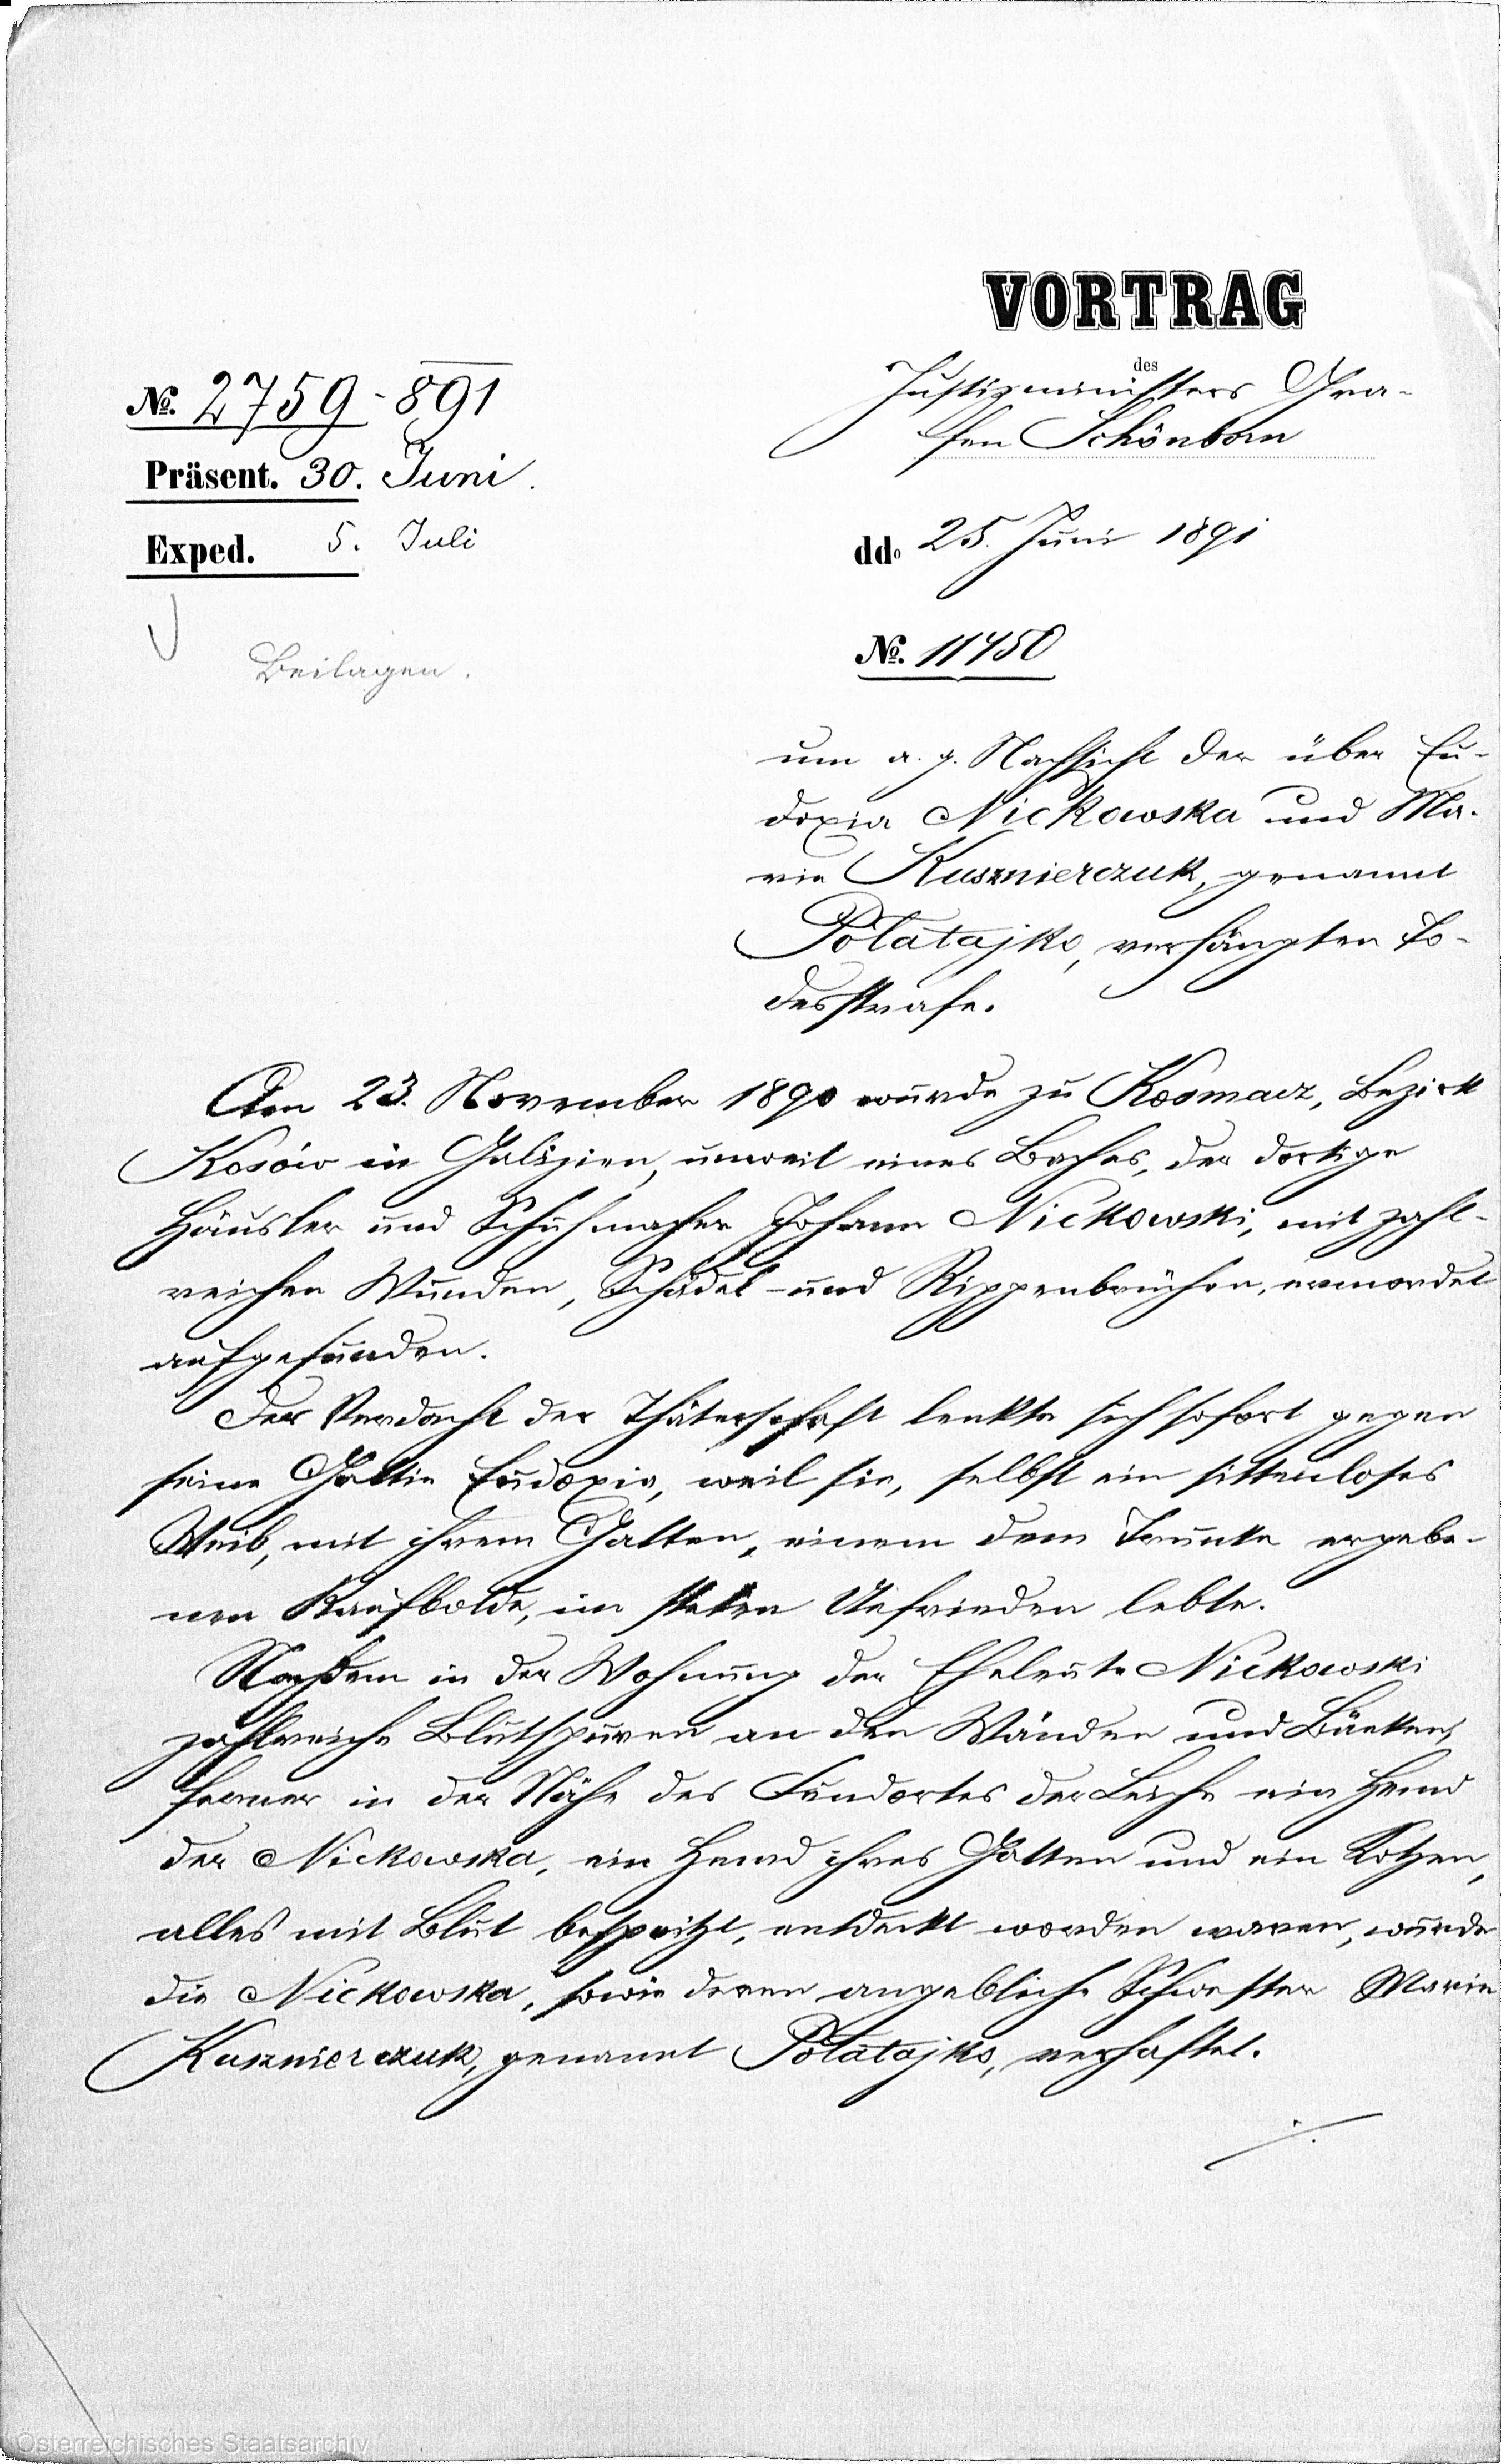No. 2759 - 1891
Präsent. 30 Juni
Exped. 5. Juli
Beilagen
VORTRAG
des
Justizministers Gra¬
fen Schönborn
ddo 25. Juni 1891
No. 11450
um a.g. Nachsicht der über Eu¬
dixia Nickowska und Ma¬
rie Kusznierczuk, genannt
Połatajko, verhängten To¬
desstrafe.
Am 23. November 1890 wurde zu Kosmacz, Bezirk
Kosów in Galizien, unweit eines Baches, der dortige
Häusler und Schuhmacher Johann Nickowski, mit zahl¬
reichen Wunden, Schädel- und Rippenbrüchen, ermordet
aufgefunden.
Der Verdacht der Thäterschaft lenkte sich sofort gegen
seine Gattin Eudoxia, weil sie, selbst ein sittenloses
Weib, mit ihrem Gatten, einem dem Trunke ergebe¬
nen Raufbolde, im steten Unfrieden lebte.
Nachdem in der Wohnung der Eheleute Nickowski
zahlreiche Blutspuren an den Wänden und Bänken,
ferner in der Nähe des Fundortes der Leiche ein Hemd
der Nickowska, ein Hemd ihres Gatten und ein Kotzen,
alles mit Blut bespritzt, entdeckt worden waren, wurde
die Nickowska, sowie deren angebliche Schwester Marie
Kusznierczuk, genannt Połatajko, verhaftet.